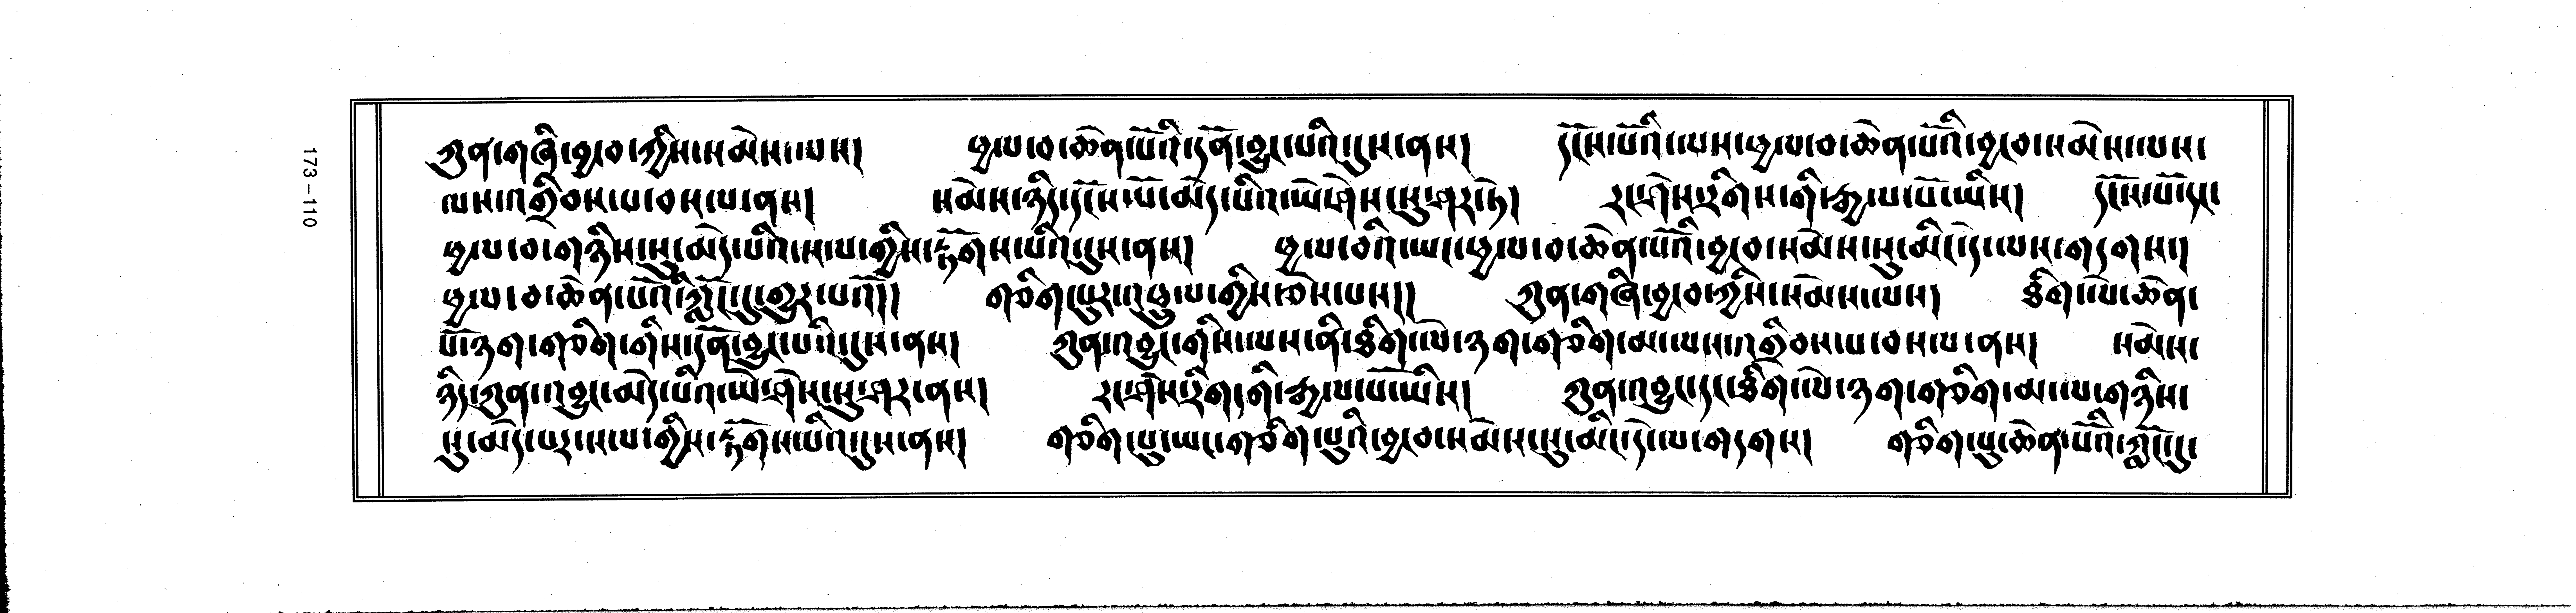ཀུན་གཞི་བྱང་ཆུབ་ཀྱི་སེམས་ལས། ཕྱལ་བ་ཆེན་པོའི་དོན་བྱུང་བའི་དུས་ན། དངོས་པོའི་ལས་ཕྱལ་བ་ཆེན་པོའི་བྱང་ཆུབ་སེམས་
ལས་འགྲིབ་པ་བསལ་ནས། སེམས་ཉིད་དངོས་པོ་མེད་པའི་ཡེ་ཤེས་སུ་ཤར་ཏེ། རང་ཤེས་རིག་གི་རྒྱལ་པོ་ཡིས་དངོས་པོ་དང་
ཕྱལ་བ་གཉིས་སུ་མེད་པར་སལ་གྱིས་རྟོགས་པའི་དུས་ན། ཕྱལ་བའི་ཡང་ཕྱལ་བ་ཆེན་པོའི་བྱང་ཆུབ་སེམས་སུ་ཡང་མིང་དེ་ལ་གདགས། 
ཕྱལ་བ་ཆེན་པོའི་ཀློང་དུ་གྱུར་པའོ། །གཅིག་པུར་འཕྲུལ་གྱིས་ཅེས་པས། ཀུན་གཞི་བྱང་ཆུབ་ཀྱི་སེམས་ལས། ཐིག་ལེ་ཆེན་
པོ་ཉག་གཅིག་གི་དོན་བྱུང་བའི་དུས་ན། ཀུན་འབྱུང་གི་ལས་ནི་ཐིག་ལེ་ཉག་གཅིག་མ་ལས་འགྲིབ་པ་བསལ་ནས། སེམས་
ཉིད་ཀུན་འབྱུང་མེད་པའི་ཡེ་ཤེས་སུ་ཤར་ནས། རང་ཤེས་རིག་གི་རྒྱལ་པོ་ཡིས་ཀུན་འབྱུང་དང་ཐིག་ལེ་ཉག་གཅིག་མ་ལ་གཉིས་
སུ་མེད་པར་སལ་གྱིས་རྟོགས་པའི་དུས་ན། གཅིག་པུ་ཡང་གཅིག་པུའི་བྱང་ཆུབ་སེམས་སུ་ཡང་མིང་དེ་ལ་གདགས། གཅིག་པུ་ཆེན་པོའི་ཀློང་དུ་